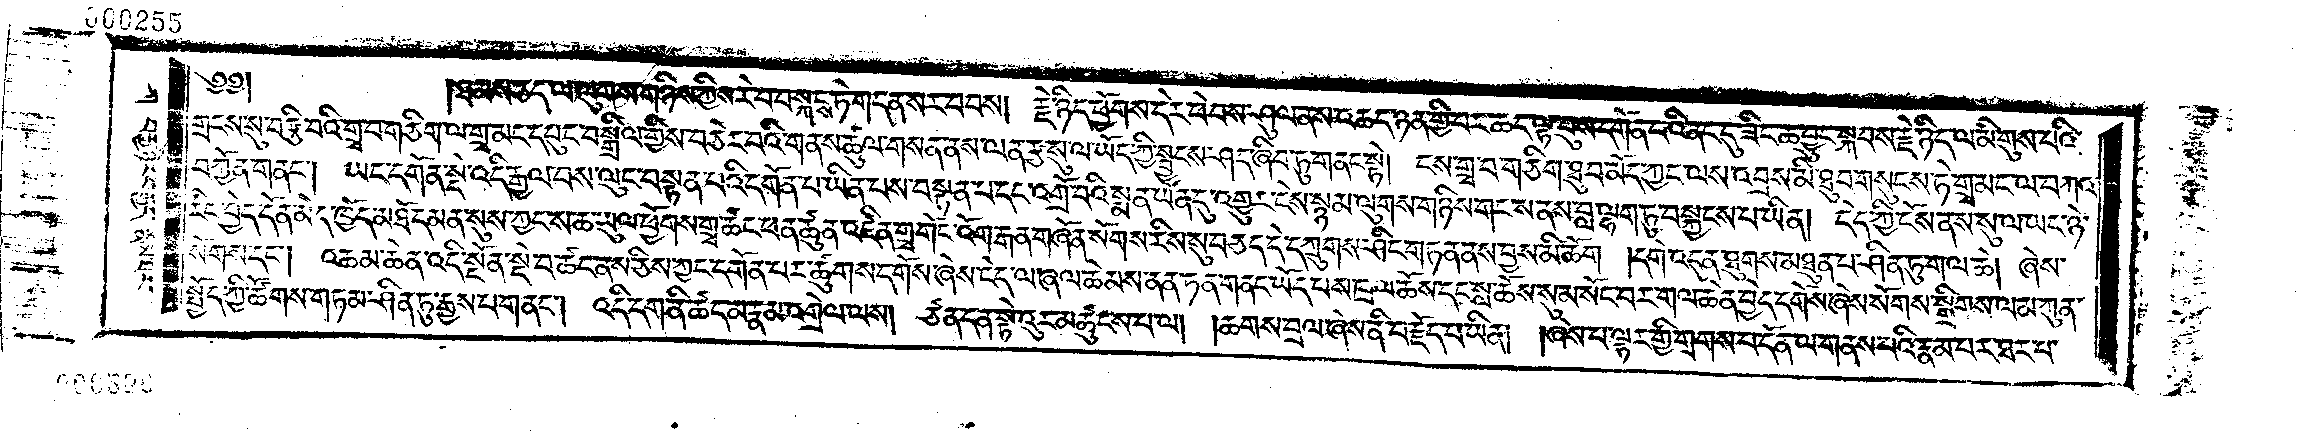༄༅། །ཐམས་ཅད་ལ་ལུགས་གཉིས་ཀྱིས་རེ་བ་བསྐངས་ཏེ་གདན་སར་བབས། རྗེ་ཉིད་ཕྱོགས་དེར་ཕེབས་ཤུལ་ནས་འཆད་ཉན་གྱི་བར་ཆད་ལྟ་བུས་དགོན་པའི་ནང་དུ་ཟིང་ཆ་བྱུང་སྐབས་རྗེ་ཉིད་ལ་མི་གུས་པའི་
གྲངས་སུ་བརྩི་བའི་གྲྭ་བ་གཅིག་ལ་གྲྭ་མང་དཔུང་བསྒྲིལ་གྱིས་བཅེར་བའི་གནས་ཚུལ་གསན་ནས་ལན་རྩ་སུ་ལ་ཡོད་ཀྱི་སྦྱངས་ཤད་ཞིབ་ཏུ་གནང་སྟེ། ངས་གྲྭ་བ་གཅིག་ཐུབ་མོད་ཀྱང་ལས་འབྲས་མི་ཐུབ་གསུངས་ཏེ་གྲྭ་མང་ལ་བཀའ་
བཀྱོན་གནང་། ཡང་དགོན་སྡེ་འདི་རྒྱལ་བས་ལུང་བསྟན་པའི་དགོན་པ་ཡིན་པས་བསྟན་པ་དང་འགྲོ་བའི་སྨན་ཡོན་དུ་འགྱུར་ངེས་སྙམ་ལུགས་གཉིས་གང་ས་ནས་བླ་ལྷག་ཏུ་བསྐྱངས་པ་ཡིན། དེད་ཀྱི་ངོས་ནས་སུ་ལ་ཡང་ཉེ་
རིང་བྱེད་དོན་མེད་ཁྱོད་མཐོ་དམན་སུས་ཀྱང་ས་ཆ་ཡུལ་ཕྱོགས་གྲྭ་ཚང་ཕན་ཚུན་འཛིན་གྲྭ་གོང་འོག་རྒན་གཞོན་སོགས་རིས་སུ་བཅད་དེ་དཀྲུགས་ཤིང་གཏན་ནས་བྱས་མི་ཆོག །དགེ་འདུན་ཐུགས་མཐུན་པ་ཤིན་ཏུ་གལ་ཆེ། ཞེས་
སོགས་དང་། འཆམ་ཆེན་འདི་སྔོན་སྡེ་བ་ཚང་ནས་ཅིས་ཀྱང་དགོན་པར་ཚུགས་དགོས་ཞེས་ངེད་ལ་ཞལ་ཆེམས་ནན་ཏན་གནང་ཡོད་པས་ཁྲལ་ཆོས་དང་སླ་ཆོས་སུ་མ་སོང་བར་གལ་ཆེན་བྱེད་དགོས་ཞེས་སོགས་སྒྲིགས་ལམ་ཀུན་
སྤྱོད་ཀྱི་ཚོགས་གཏམ་ཤིན་ཏུ་རྒྱས་པ་གནང་། འདི་དག་ནི་ཚད་མ་རྣམ་འགྲེལ་ལས། ཙན་དན་སྟེ་འུར་མཚུངས་པ་ལ། །ཆགས་བྲལ་ཞེས་ནི་བརྗོད་པ་ཡིན། །ཞེས་པ་ལྟར་གྱི་གྲགས་པ་དོན་ལ་གནས་པའི་རྣམ་པར་ཐར་པ་